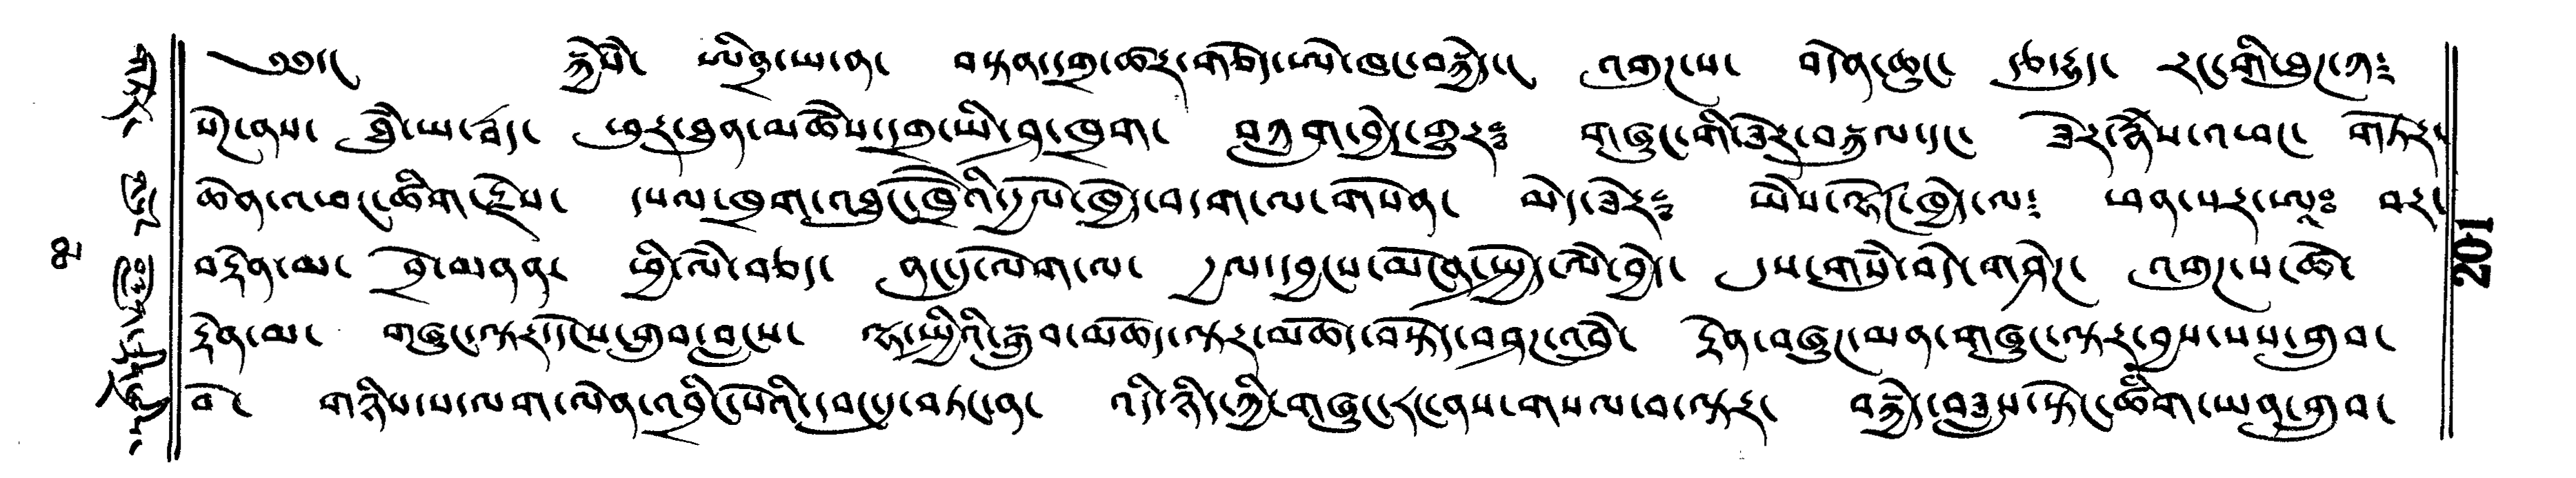སྐྱེམས། ཨིནྡྲ་ཡ་ན༴ བསྟན་དགྲ་ཚར་གཅོད༴ ཨེ་ཁང་བསྐྱེད་པ། འགུགས་པ། བདེན་ཆུང་། རྩ་རྒྱུད༴ རང་གི་ཐུགས་ཀ༴ 
སོགས་ནས། ཐུམ་ཡ་རྦད༔ ཕུར་ཐུན་མཚམས། དགྲ་ཡི་ཤ་ཁྲག་བརླག་བྱེད་གྱུར༔ གཞུང་གི་ཟོར་བསྐུལ་དང་ཟོར་རྣམས་འཕང་། གཏོར་
ཆེན་འཕང་ཚིག་རྗེས། དཔལ་ཁྲག་འཐུང་ཁྲོ་བོའི་རྒྱལ་པོ་ཁྱོད་བདག་ལ་གསོན༴མདོས་ཟེར༴ ཡེ་ཤེས་ལྷ་ཚོགས་ཁྱེད་ལ༴ འཕན་སར་ཨཱཿ བར་
བརྟན་མ། བྲོ་མནན། ཕྱི་ལམ་བཅད། ནང་དུ་ལོག་ལ། རྒྱལ་དབྱངས་མངོན་སྤྱོད་ལམ་བྱེད། དུས་གསུམ་བདེ་གཤེགས༴ འགུགས་པ་ཚེ་
བརྟན་མ། གཞུང་ལྟར་དངོས་གྲུབ་བླང་། ལྷ་སྤྱིའི་སྒྲུབ་མཆོད་ལྟར་མཆོད་བསྟོད་བཤགས་གསུམ། རྟེན་བཞུགས་མན་གཞུང་ལྟར་བྱས་པས་གྲུབ་
བོ།། གཉིས་པ་ལག་ལེན་འབྲིང་པོའི་དབང་དུ་བཏང་ན། འདི་ཉིད་ཀྱི་གཞུང་རང་ནས་གསལ་བ་ལྟར། བསྐྱེད་བཟླས་སྟོང་ཚིག་ཡན་གྲུབ་